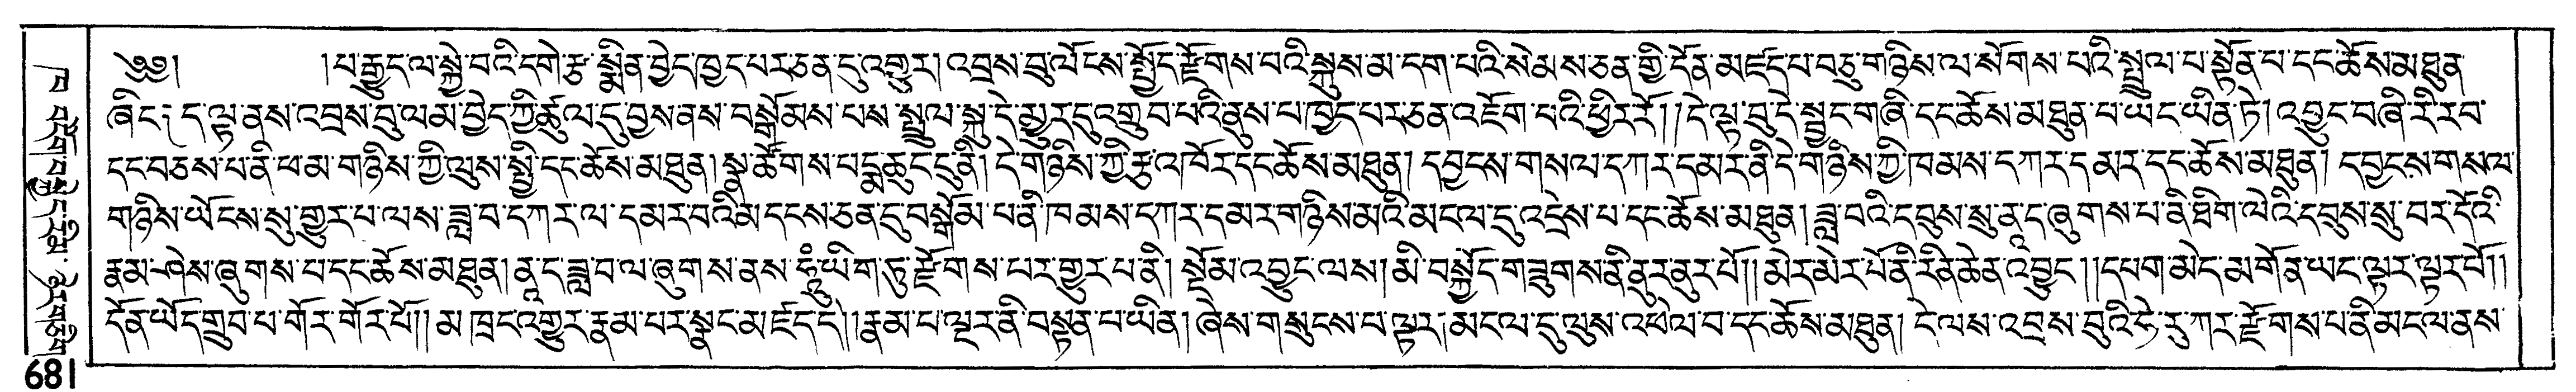༄༅། །པ་རྒྱུད་ལ་སྐྱེ་བའི་དགེ་རྩ་སྨིན་བྱེད་ཁྱད་པར་ཅན་དུ་འགྱུར། འབྲས་བུ་ལོངས་སྤྱོད་རྫོགས་པའི་སྐུས་མ་དག་པའི་སེམས་ཅན་གྱི་དོན་མཛད་པ་བཅུ་གཉིས་ལ་སོགས་པའི་སྤྲུལ་པ་སྟོན་པ་དང་ཆོས་མཐུན་
ཞིང༑ ད་ལྟ་ནས་འབྲས་བུ་ལམ་བྱེད་ཀྱི་ཚུལ་དུ་བྱས་ནས་བསྒོམས་པས་སྤྲུལ་སྐུ་དེ་མྱུར་དུ་འགྲུབ་པའི་ནུས་པ་ཁྱད་པར་ཅན་འཇོག་པའི་ཕྱིར་རོ། །དེ་ལྟ་བུ་དེ་སྦྱང་གཞི་དང་ཆོས་མཐུན་པ་ཡང་ཡིན་ཏེ། འབྱུང་བཞི་རི་རབ་
དང་བཅས་པ་ནི་ཕ་མ་གཉིས་ཀྱི་ལུས་སྤྱི་དང་ཆོས་མཐུན། སྣ་ཚོགས་པདམ་ཆུང་ངུ་ནི། དེ་གཉིས་ཀྱི་རྩ་འཁོར་དང་ཆོས་མཐུན། དབྱངས་གསལ་དཀར་དམར་ནི་དེ་གཉིས་ཀྱི་ཁམས་དཀར་དམར་དང་ཆོས་མཐུན། དབྱངས་གསལ་
གཉིས་ཡོངས་སུ་གྱུར་པ་ལས་ཟླ་བ་དཀར་ལ་དམར་བའི་མདངས་ཅན་དུ་བསྒོམ་པ་ནི་ཁམས་དཀར་དམར་གཉིས་མའི་མངལ་དུ་འདྲེས་པ་དང་ཆོས་མཐུན། ཟླ་བའི་དབུས་སུ་ནཱ་ད་ཞུགས་པ་ནི་ཐིག་ལེའི་དབུས་སུ་བར་དོའི་
རྣམ་ཤེས་ཞུགས་པ་དང་ཆོས་མཐུན། ནཱ་ད་ཟླ་བ་ལ་ཞུགས་ནས་ཧཱུཾ་ཡིག་ཏུ་རྫོགས་པར་གྱུར་པ་ནི། སྡོམ་འབྱུང་ལས། མི་བསྐྱོད་གཟུགས་ནི་ནུར་ནུར་པོ། །མེར་མེར་པོ་ནི་རིན་ཆེན་འབྱུང་། །དཔག་མེད་མགོན་ཡང་ལྟར་ལྟར་པོ།།
དོན་ཡོད་གྲུབ་པ་གོར་གོར་པོ། །མཁྲང་འགྱུར་རྣམ་པར་སྣང་མཛད་དེ། །རྣམ་པ་ལྔར་ནི་བསྟན་པ་ཡིན། ཞེས་གསུངས་པ་ལྟར། མངལ་དུ་ལུས་འཕེལ་བ་དང་ཆོས་མཐུན། དེ་ལས་འབྲས་བུའི་ཧེ་རུ་ཀར་རྫོགས་པ་ནི་མངལ་ནས་